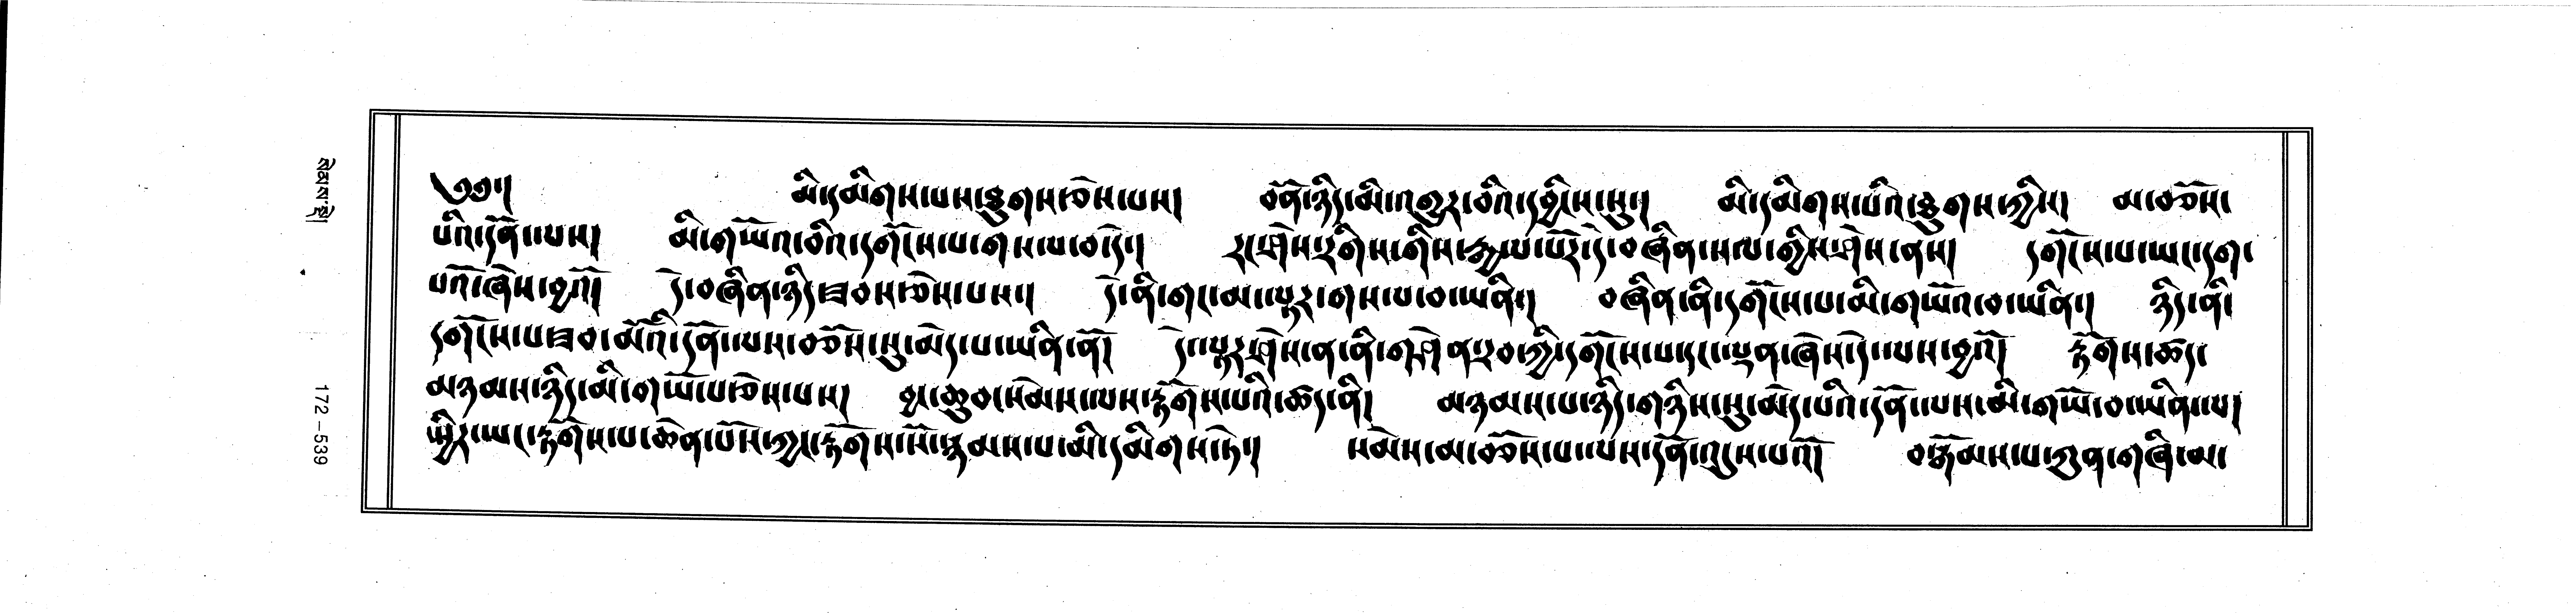དམིགས་པས་ཐུགས་ཅེས་པས། བོན་ཉིད་མི་འགྱུར་བའི་དབྱིངས་སུ། མི་དམིགས་པའི་ཐུགས་ཀྱིས། མ་བཅོས་
པའི་དོན་ལས། མི་གཡོའ་བའི་དགོངས་པ་གསལ་བ་དེ། རང་ཤེས་རིག་གིས་རྒྱལ་པོར་དེ་བཞིན་སལ་གྱིས་ཤེས་ནས། དགོངས་པ་ཡང་དག་
པའོ་ཞེས་བྱའོ། དེ་བཞིན་ཉིད་ཟབས་ཅེས་པས། དེ་ནི་གང་མ་ལྟར་གསལ་བ་ཡིན། བཞིན་ནི་དགོངས་པ་མི་གཡོའ་བ་ཡིན། ཉིད་ནི་
དགོངས་པ་ཟབ་མོའི་དོན་ལས་བཅོས་སུ་མེད་པ་ཡིན་ནོ། དེ་ལྟར་ཤེས་ན་ནི་གཤེན་རབ་ཀྱི་དགོངས་པ་དང་ལྡན་ཞེས་དེ་ལས་བྱའོ། རྟོགས་ཚད་
མཉམ་ཉིད་མི་གཡོ་པ་ཅེས་པས། བྱང་ཆུབ་སེམས་ལས་རྟོགས་པའི་ཚད་ནི། མཉམས་པ་ཉིད་གཉིས་སུ་མེད་པའི་དོན་ལས་མི་གཡོ་བ་ཡིན་ལ། 
སྤྱིར་ཡང་རྟོགས་པ་ཆེན་པོས་ཀྱང་རྟོགས་སོ་སྙམས་པ་མི་དམིགས་ཏེ། སེམས་མ་བཅོས་པ་ལས་དོན་འདུས་པའོ། བསྒོམས་པ་ཀུན་གཞི་མ་